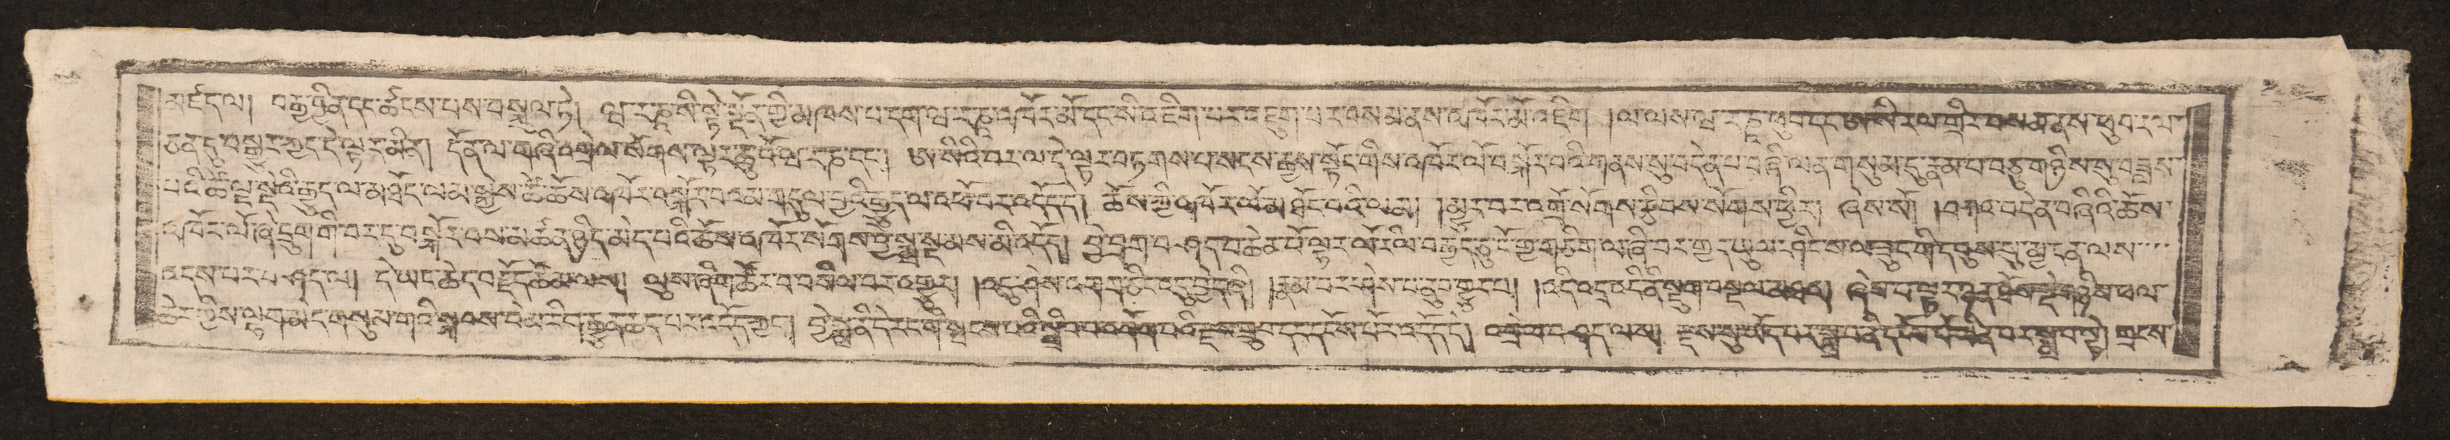མཛད་ལ། བརྒྱ་བྱིན་དང་ཚངས་པས་བསྐུལ་ཏེ། ཝ་ར་ཎཱ་སི་སྟེ་སྔོན་གྱི་མཁས་པ་དག་ཝ་ར་ཎཱ་འཁོར་མོ་དང་སི་འཇིག་པར་འཇུག་པར་བསམ་ནས་འཁོར་མོ་འཇིག །ལ་ལས་ཝ་ར་ཎཱ་ཕུབ་དང་ཨ་སི་རལ་གྲིར་བསམ་ནས་ཕུབ་རལ་
ཅན་དུ་བསྒྱུར་ཀྱང་དེ་ལྟར་མིན། དོན་ལ་གཞི་འགྲེལ་སོགས་ལྟར་ཆུ་བོ་ཝ་ར་ཎ་དང་། ཨ་སིའི་བར་ལ་དེ་ལྟར་བཏགས་པ་སངས་རྒྱས་སྟོང་གིས་འཁོར་ལོ་བསྐོར་བའི་གནས་སུ་བདེན་པ་བཞི་ལན་གསུམ་དུ་རྣམ་པ་བཅུ་གཉིས་སུ་བཟླས་
པའི་ཚེ་ལྔ་སྡེའི་རྒྱུད་ལ་མཐོང་ལམ་སྐྱེས་ཚེ་ཆོས་འཁོར་བསྐོར་བའམ་གདུལ་བྱའི་རྒྱུད་ལ་འཕོ་བར་འདོད་དེ། ཆོས་ཀྱི་འཁོར་ལོ་མཐོང་བའི་ལམ། །མྱུར་བར་འགྲོ་སོགས་རྩིབས་སོགས་ཕྱིར། ཞེས་སོ། །བཀའ་བདེན་བཞིའི་ཆོས་
འཁོར་ལོ་ཞེ་དྲུག་གི་བར་དུ་བསྐོར་བས་མཚན་ཉིད་མེད་པའི་ཆོས་འཁོར་སོགས་བྱེ་སྨྲ་སྔ་མས་མི་འདོད། བྱེ་བྲག་བཤད་པ་ཆེན་པོ་ལྟར་ལོ་རིལ་བརྒྱད་ཅུ་དོ་གྱ་གཅིག་ལ་ཞི་བར་གྱད་ཡུལ་ཤིང་ས་ལ་ཟུང་གི་དབུས་སུ་མྱ་ངན་ལས་
འདས་པར་བཤད་ལ། དེ་ཡང་ཆེད་བརྗོད་ཚེམ་ལས། ལུས་ཞིག་ཚོར་བ་བསིལ་བར་འགྱུར། །འདུ་ཤེས་འགག་ཅིང་འདུ་བྱེད་ཞི། །རྣམ་པར་ཤེས་པ་ནུབ་གྱུར་པ། །འདི་འདྲ་འདི་ནི་སྡུག་བསྔལ་མཐའ། ཞེས་པ་ལྟར་ཉན་ཐོས་སྡེ་གཉིས་ཕལ་
ཆེར་གྱིས་ལྷག་མེད་གསུམ་གའི་སྐབས་བེམ་རིག་རྒྱུན་ཆད་པར་འདོད་ཀྱང་། བྱེ་སྨྲ་ནི་དེ་རང་གི་སྤངས་པའི་སྒྲིབ་པ་འགོག་པའི་རྫས་གྲུབ་དང་དངོས་པོར་འདོད་དེ། འགྲེལ་བཤད་ལས། རྫས་སུ་ཡོད་པར་སྨྲ་བ་ནི་དངོས་པོ་ཡིན་པར་སྨྲ་བ་སྟེ། གྲངས་